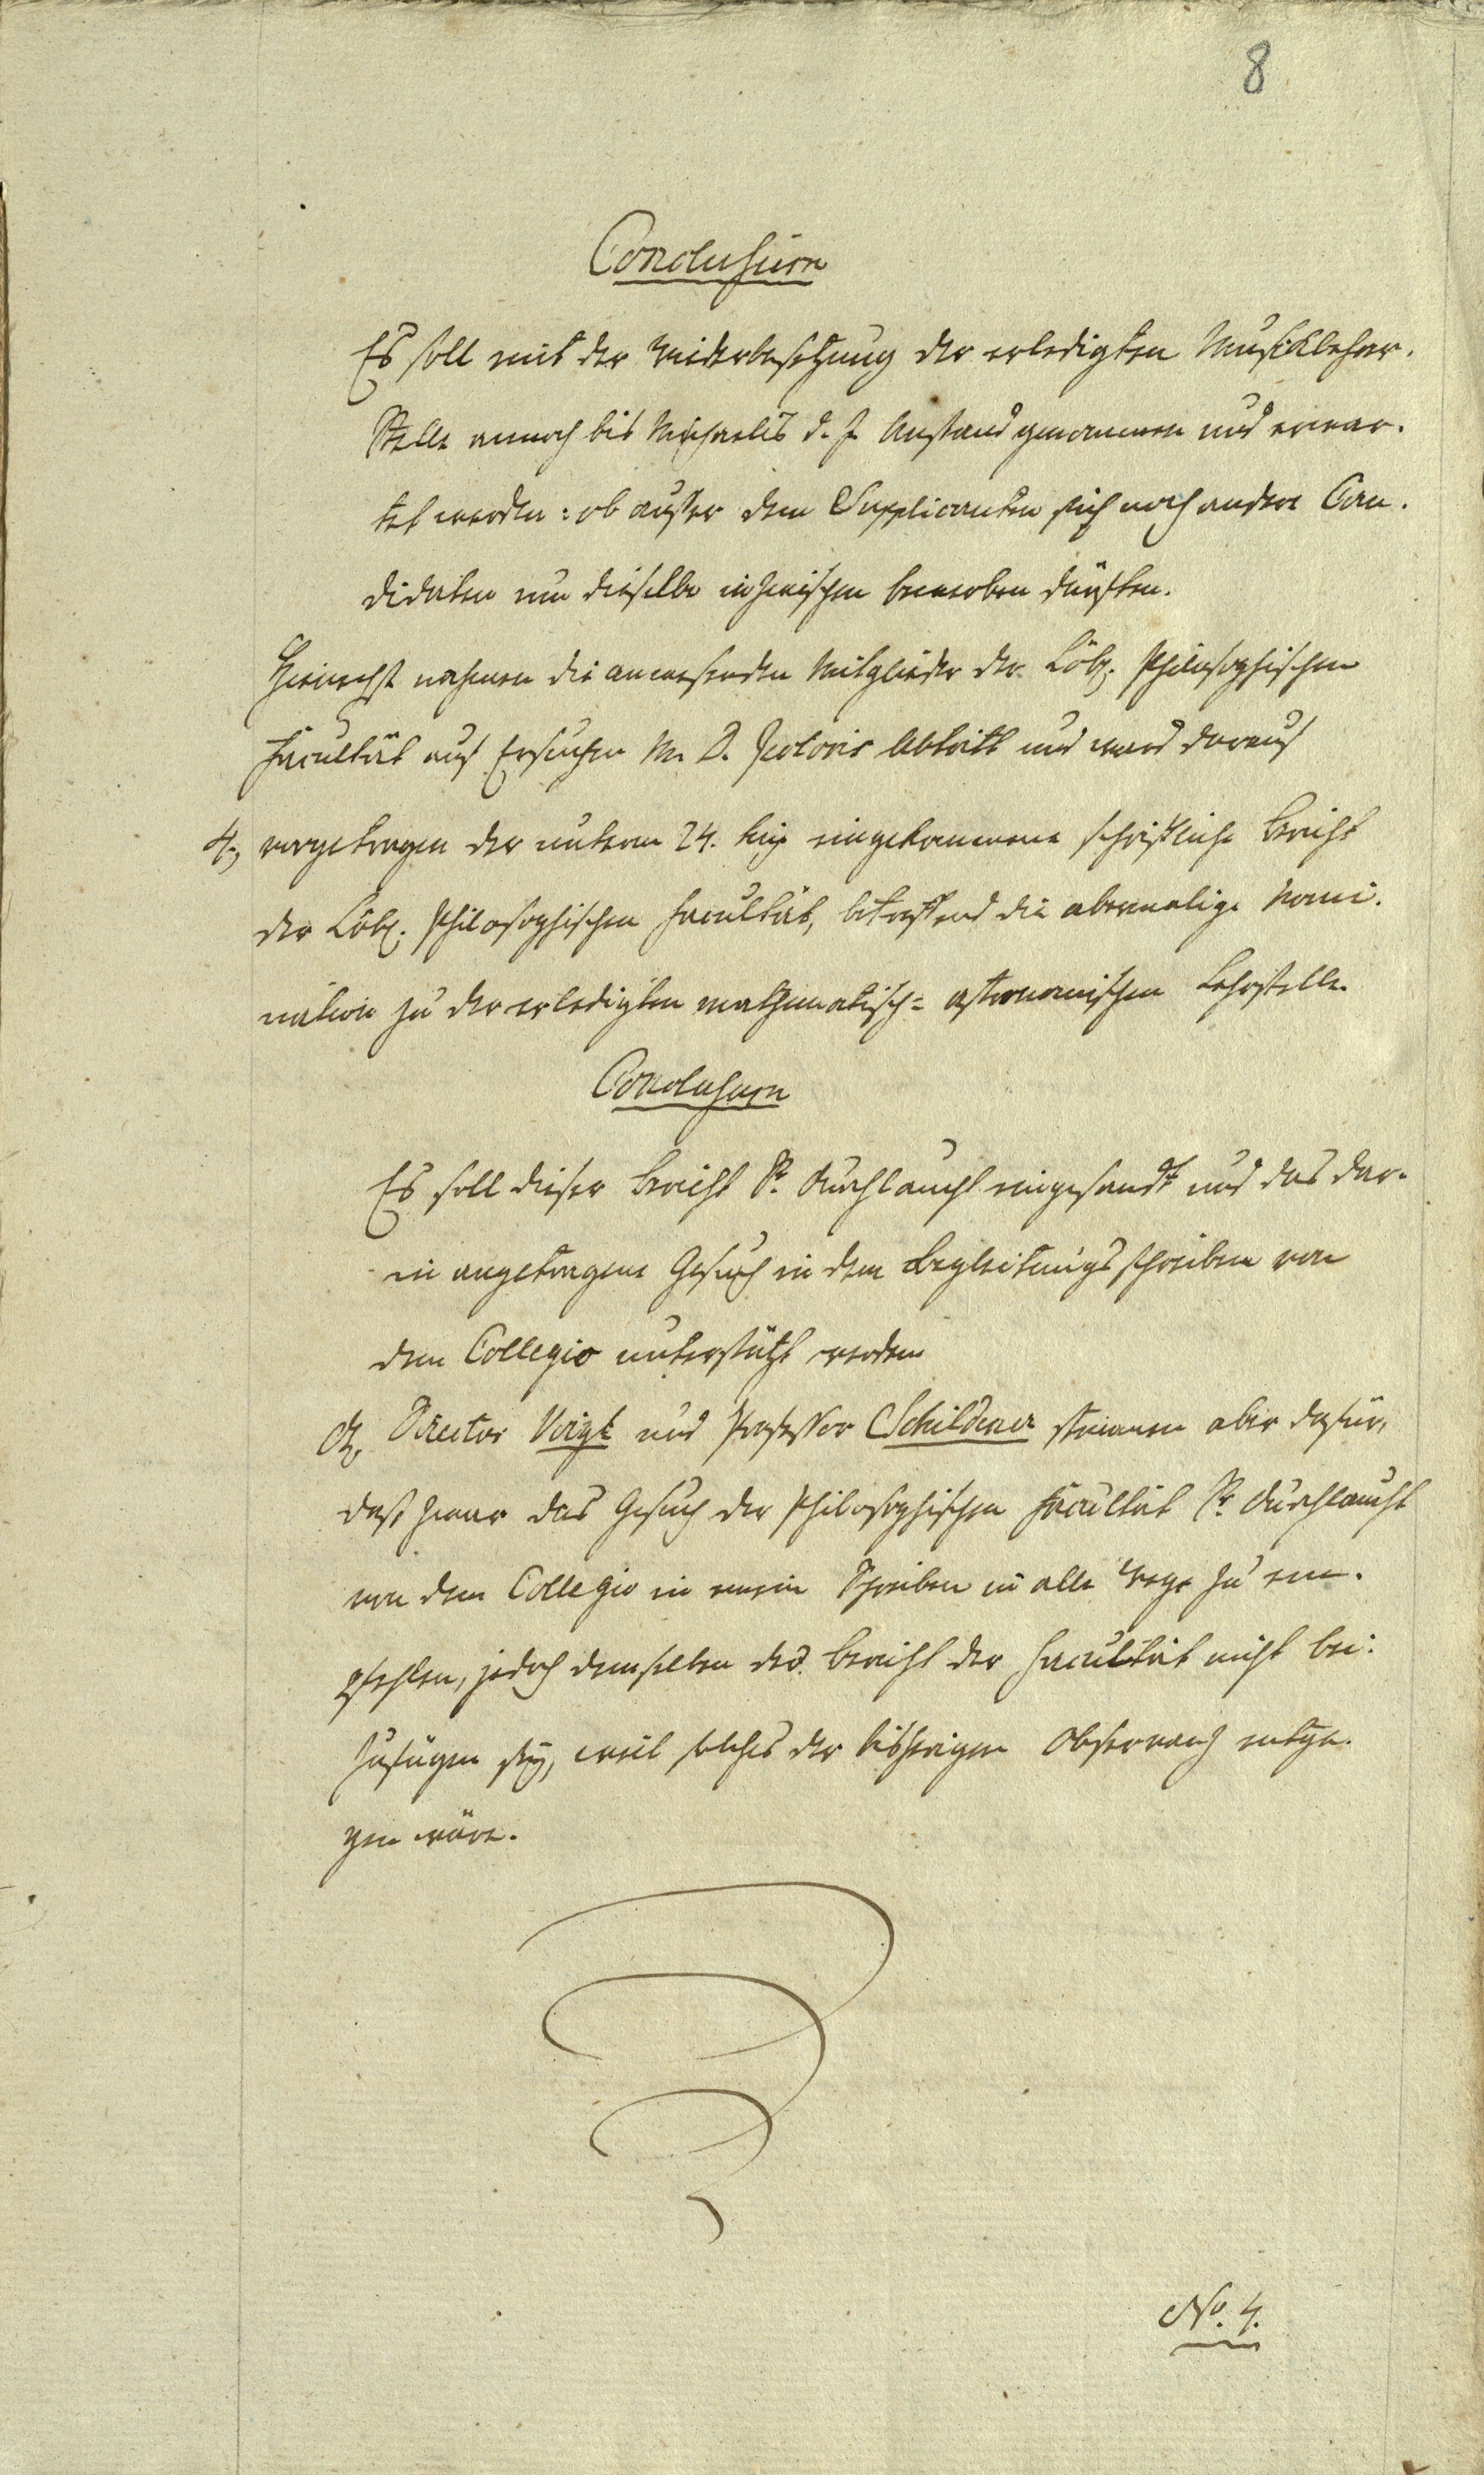Conclusum
Es soll mit der Wiederbesetzung der erledigten Musiklehrer¬
Stelle annoch bis Michaelis d. J. Anstand genommen und erwar¬
tet werden: ob ausser dem Supplicanten sich noch andere Can¬
didaten um dieselbe inzwischen bewerben dürften.
Hienechst nehmen die anwesenden Mitglieder der Löbl. Philosophischen
Facultät auf Ersuchen M. D. Rectoris Abtritt und ward darauf
4., vorgetragen der unterm 24. huj. eingekommene schriftliche Bericht
der Löbl. Philosophischen Facultät, betreffend die abermalige Nomi¬
nation zu der erledigten mathematisch- astronomischen Lehrstelle.
Conclusum
Es soll dieser Bericht Sr. Duchlaucht eingesandt und das dar¬
in angetragene Gesuch in dem Begleitungsschreiben von
dem Collegio unterstützt werden.
dh., Director Voigt und Professor Schildener stimmen aber dafür,
daß zwar das Gesuch der Philosophischen Facultät Sr Durchlaucht
von dem Collegio in einem Schreiben in alle Wege zu em¬
pfehlen, jedoch demselben der Bericht der Facultät nicht bei¬
zufügen seÿ, weil solches der bisherigen Observanz entge¬
gen wäre.
N° 4.